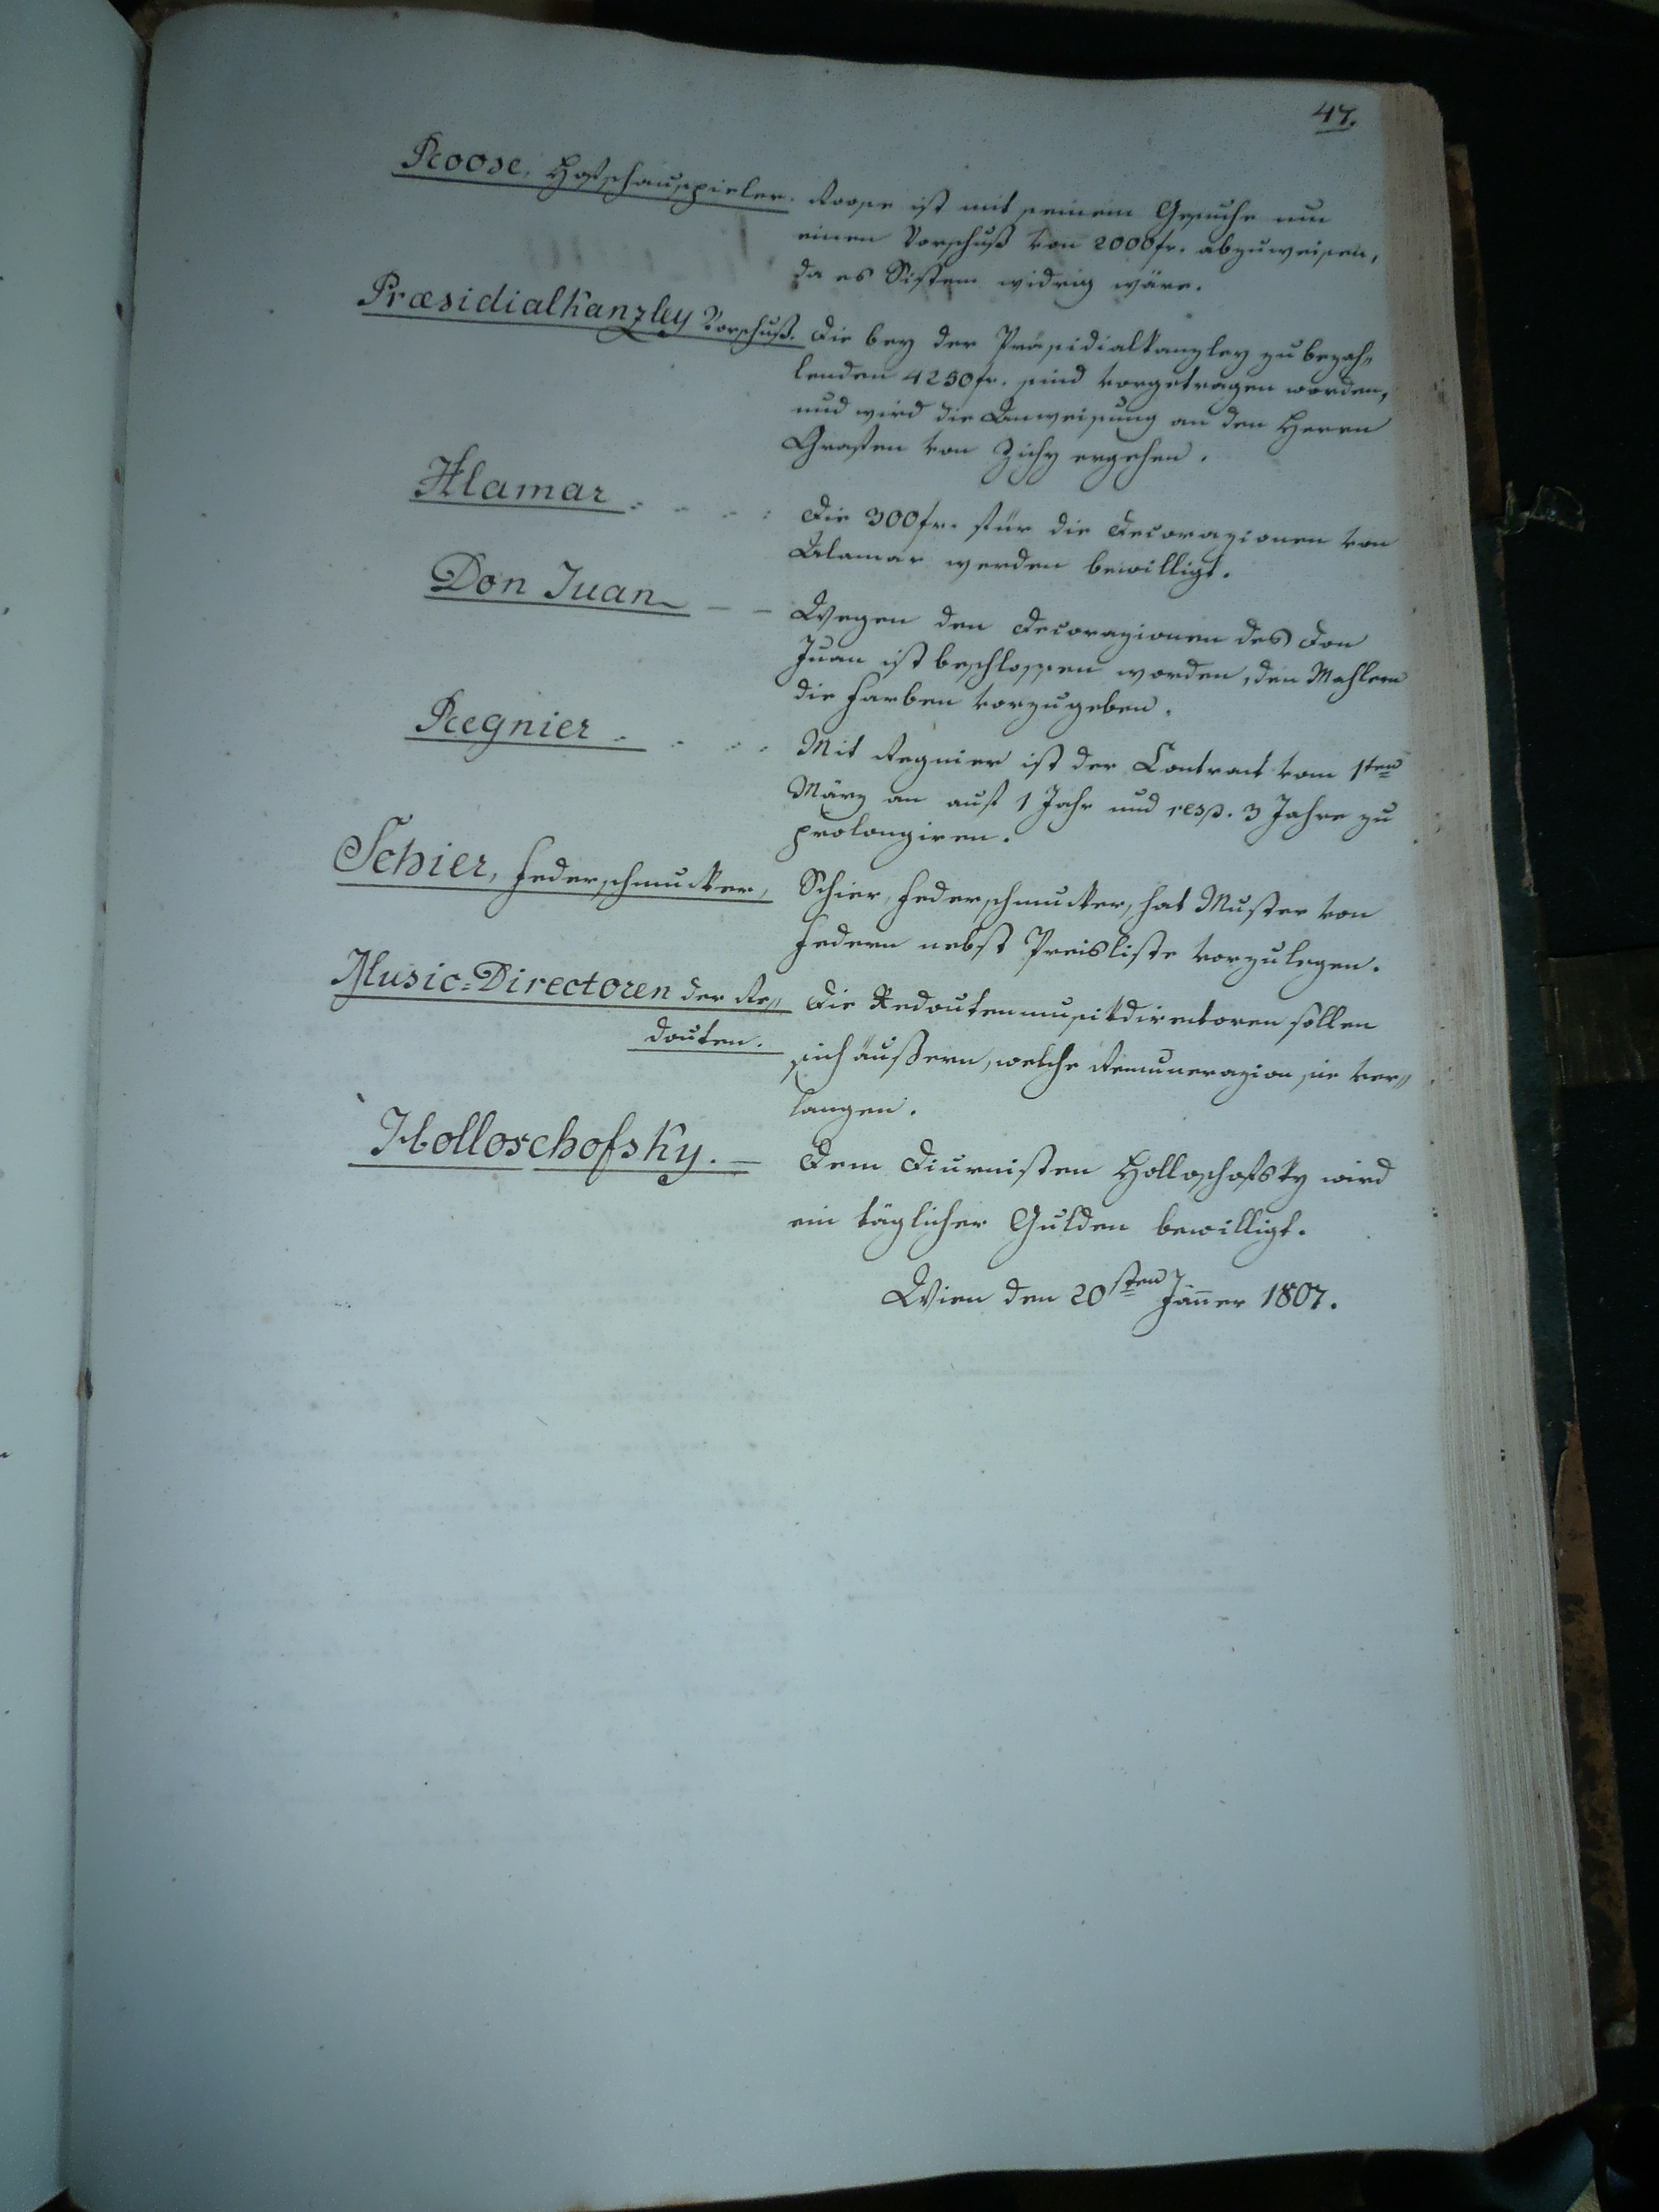47.
Roose, Hofschauspieler. Roose ist mit seinem Gesuche um
einen Vorschuß von 2000fr. abzuweisen,
da es Sistem widrig wäre.
PræsidialKanzley Vorschuß. Die bey der Präsidialkanzley zu bezah¬
lenden 4250fr. sind vorgetragen worden,
und wird die Anweisung an den Herrn
Grafen von Zichy ergehen.
Alamar : : : : Die 300fr. für die Decorazionen von
Alamar werden bewilligt.
Don Juan _ _ Wegen den Decorazionen des Don
Juan ist beschlossen worden, den Mahlern
die Farben vorzugeben.
Regnier : : : : Mit Regnier ist der Contract vom 1te͇n
März an auf 1 Jahr und resp. 3 Jahre zu
prolongiren.
Schier, Federschmucker, Schier, Federschmucker, hat Muster von
Federn nebst Preisliste vorzulegen.
Music‗Directoren der Re¬
douten.
Die Redoutenmusikdirectoren sollen
sich äußern, welche Remunerazion sie ver¬
langen.
Holloschofsky. __ Dem Diurnisten Holloschofsky wird
ein täglicher Gulden bewilligt.
Wien den 20st͇en Jän̅er 1807.